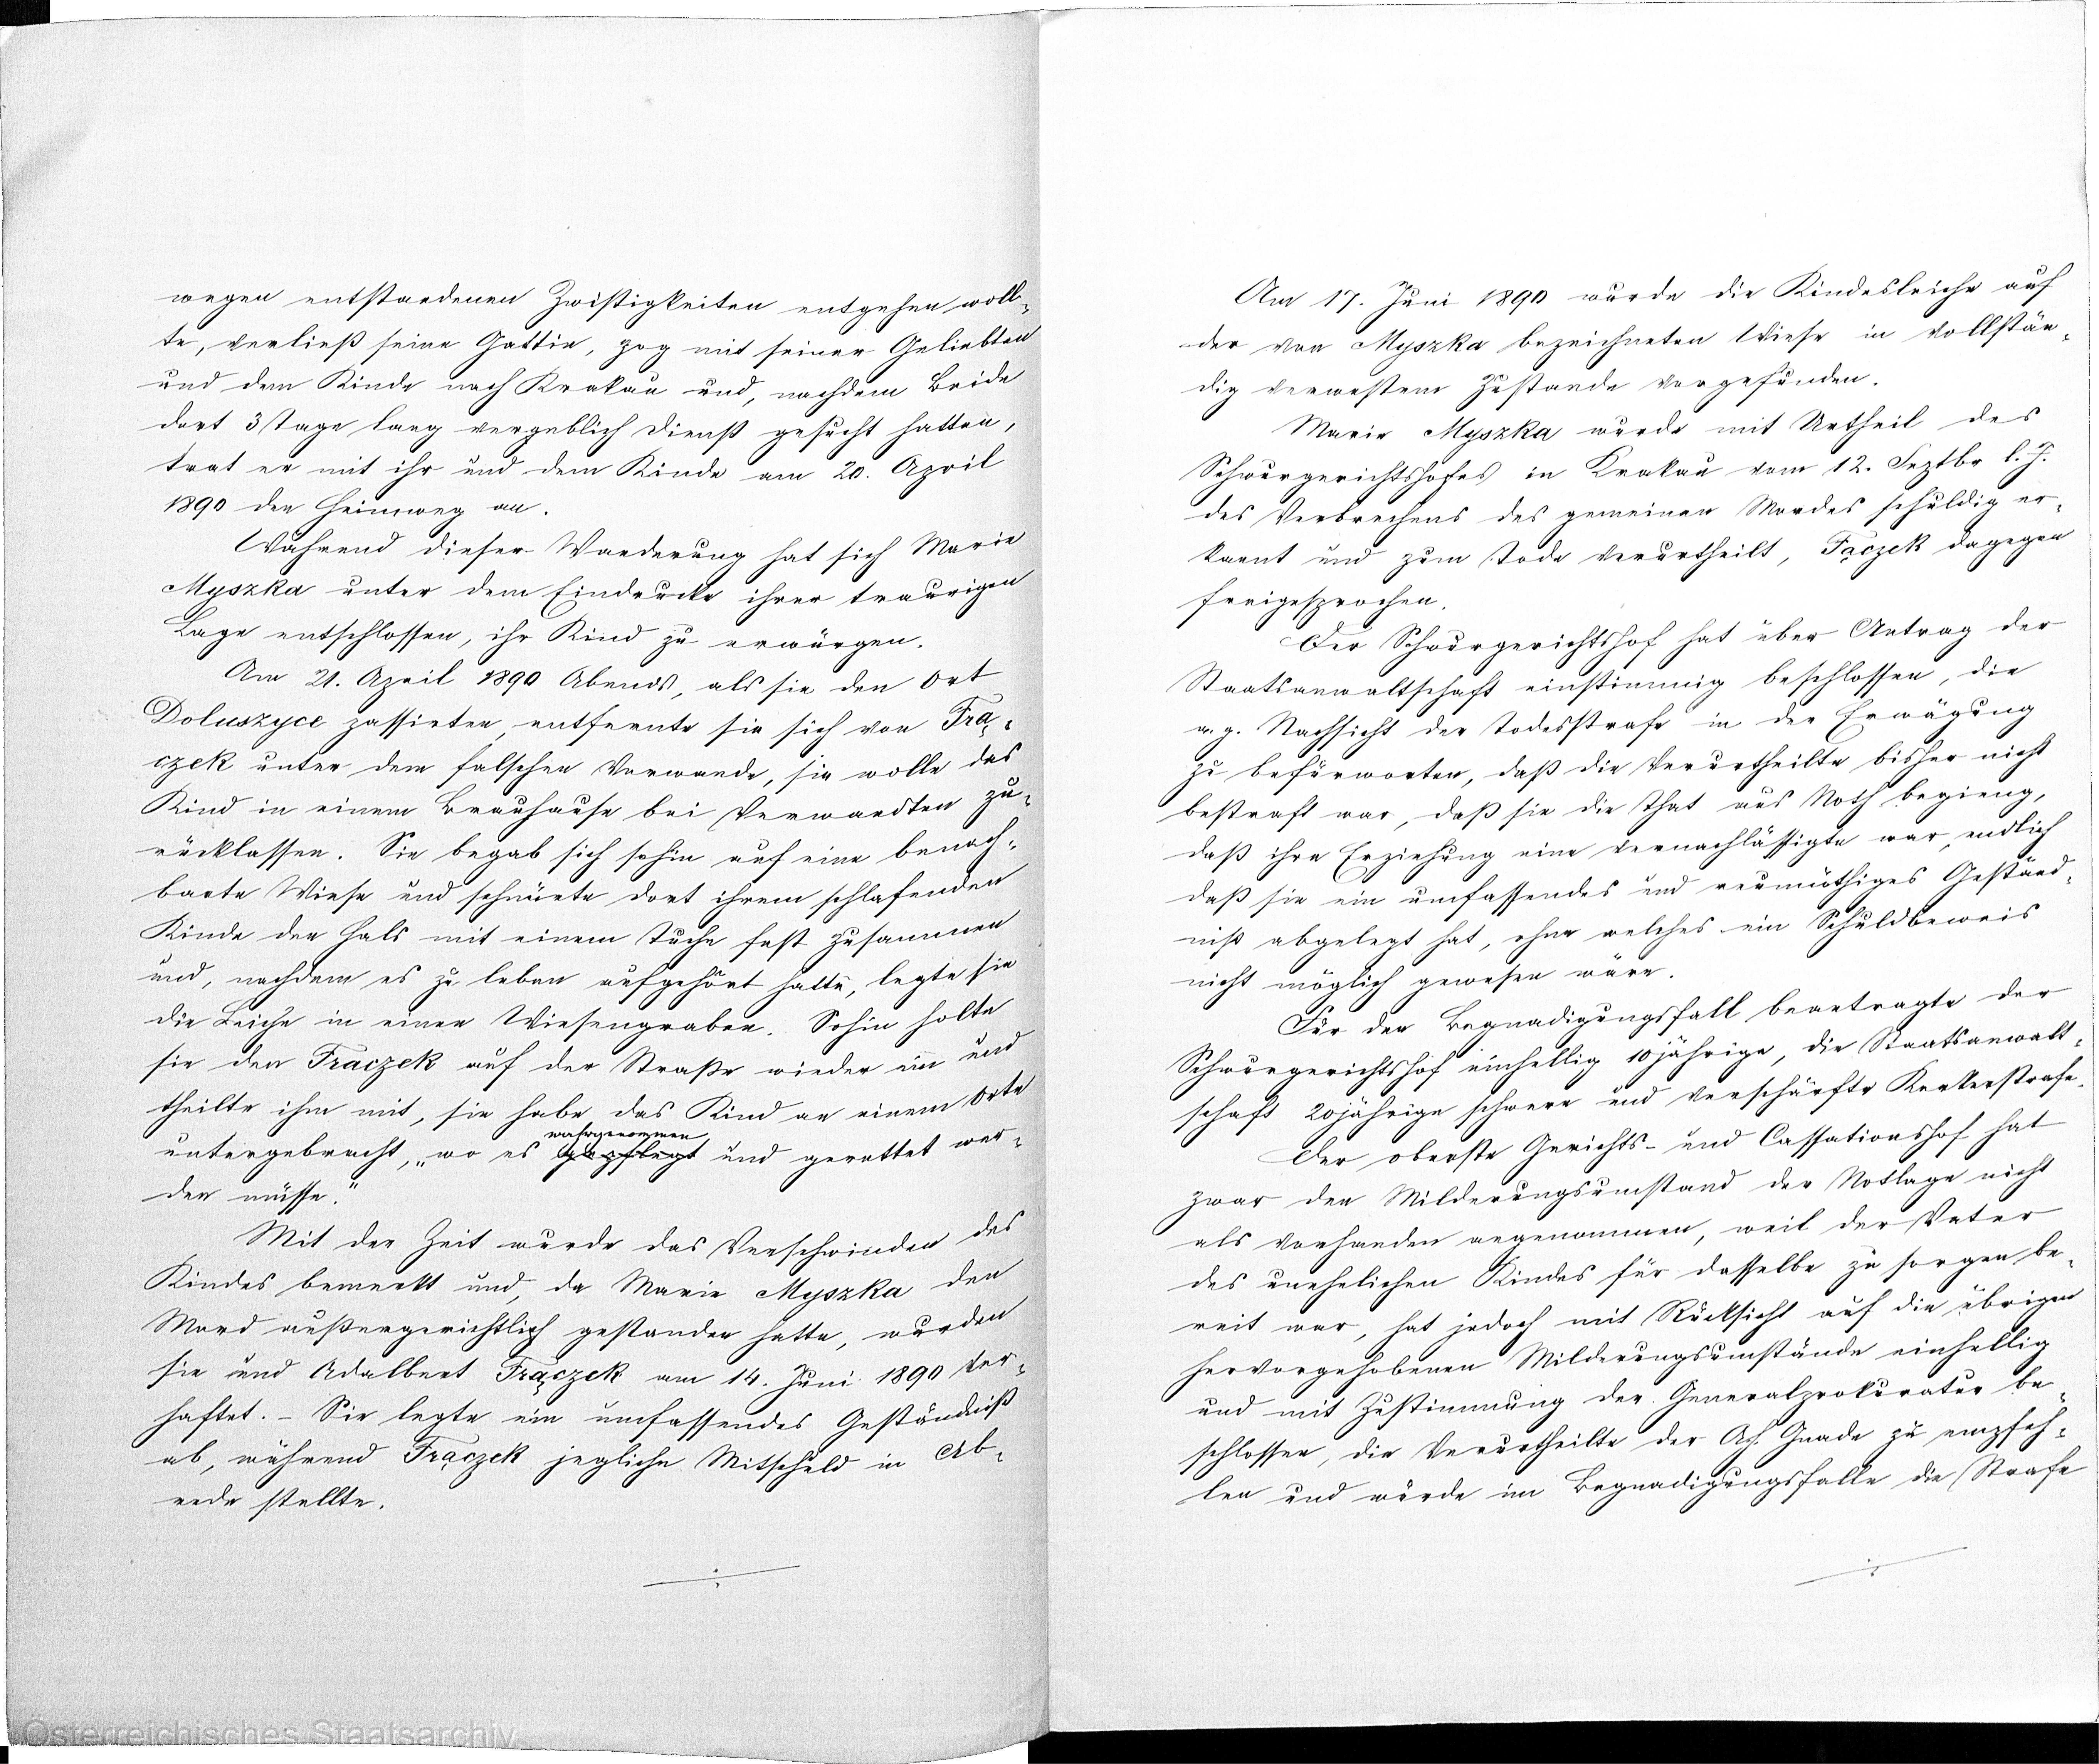wegen entstandenen Zwistigkeiten entgehen woll¬
te, verließ seine Gattin, zog mit seiner Geliebten
und dem Kinde nach Krakau und, nachdem Beide
dort 3 Tage lang vergeblich Dienst gesucht hatten,
trat er mit ihr und dem Kinde am 20. April
1890 den Heimweg an.
Während dieser Wanderung hat sich Marie
Myszka unter dem Eindrucke ihrer traurigen
Lage entschlossen, ihr Kind zu erwürgen.
Am 21. April 1890 Abends, als sie den Ort
Doluszyce passirten, entfernte sie sich von Frą¬
czek unter dem falsehen Vorwande, sie wolle das
Kind in einem Brauhause bei Verwandten zu¬
rücklassen. Sie begab sich sohin auf eine benach¬
barte Wiese und schnürte dort ihrem schlafenden
Kinde den Hals mit einem Tuche fest zusammen
und, nachdem es zu leben aufgehört hatte, legte sie
die Leiche in einen Wiesengraben. Sohin holte
sie den Fraczek auf der Straße wieder ein und
theilte ihm mit, sie habe das Kind an einem Orte
wahrgenommen
untergebracht, „wo es und gerettet wer¬
den müsse.“
Mit der Zeit wurde das Verschwinden des
Kindes bemerkt und, da Marie Myszka den
Mord außergerichtlich gestanden hatte, wurden
sie und Adalbert Frączek am 14. Juni 1890 ver¬
haftet.- Sie legte ein umfassendes Geständniß
ab, mährend Frączek jegliche Mitschuld in Ab¬
rede stellte.
Am 17. Juni 1890 wurde die Kindesleiche auf
der von Myszka bezeichneten Wiese in vollstän¬
dig verwestene Zustande vorgefunden.
Marie Myszka wurde mit Urtheil des
Schourgerichtshofes in Krakau vom 12. Septbr l. J.
des Verbrechens des gemeinen Mordes schuldig er¬
kxx und zum Tode verurtheilt, Fączek dagegen
Freigesprochen.
Der Schwurgerichtshof hat über Antrag der
Staatsanwaltschaft einstimmig beschlossen, die
a. g.Nach sicht der Todesstrafe in der Erwägung
zu befürworten, daß die Verurtheilte bisher nicht
bestraft war, daß sie die That aus Noth begieng,
daß ihre Erziehung eine vernachlässigte war, endlich
daß sie ein umfassendes und reumüthiges Geständ¬
niß abgelegt hat, ohne welche sein Schuldbeweis
nicht möglich gewesen wäre.
Für den Begnadigungsfall beantragte der
Schwurgerichtshof einhellig 10jährige,die Staatsanwalt¬
schaft 20jährige schwere und verschärfte Kerkerstrafe.
Der oberste Gerichts- und Cassationshof hat
zwar den Milderungsumstand der Notlage nicht
als vorhanden angenommen, weil der Vater
des unehelichen Kindes für dasselbe zu sorgen be¬
reit war, hat jedoch mit Rücksicht auf die übrigen
hervorgehobenen Milderungsumstände einhellig
und mit Zustimmung der Generalprokuratur be¬
schlossen, die Verurtheilte der A.h. Gnade zu empfeh¬
len und würde im Benadigungsfalle die Strafe